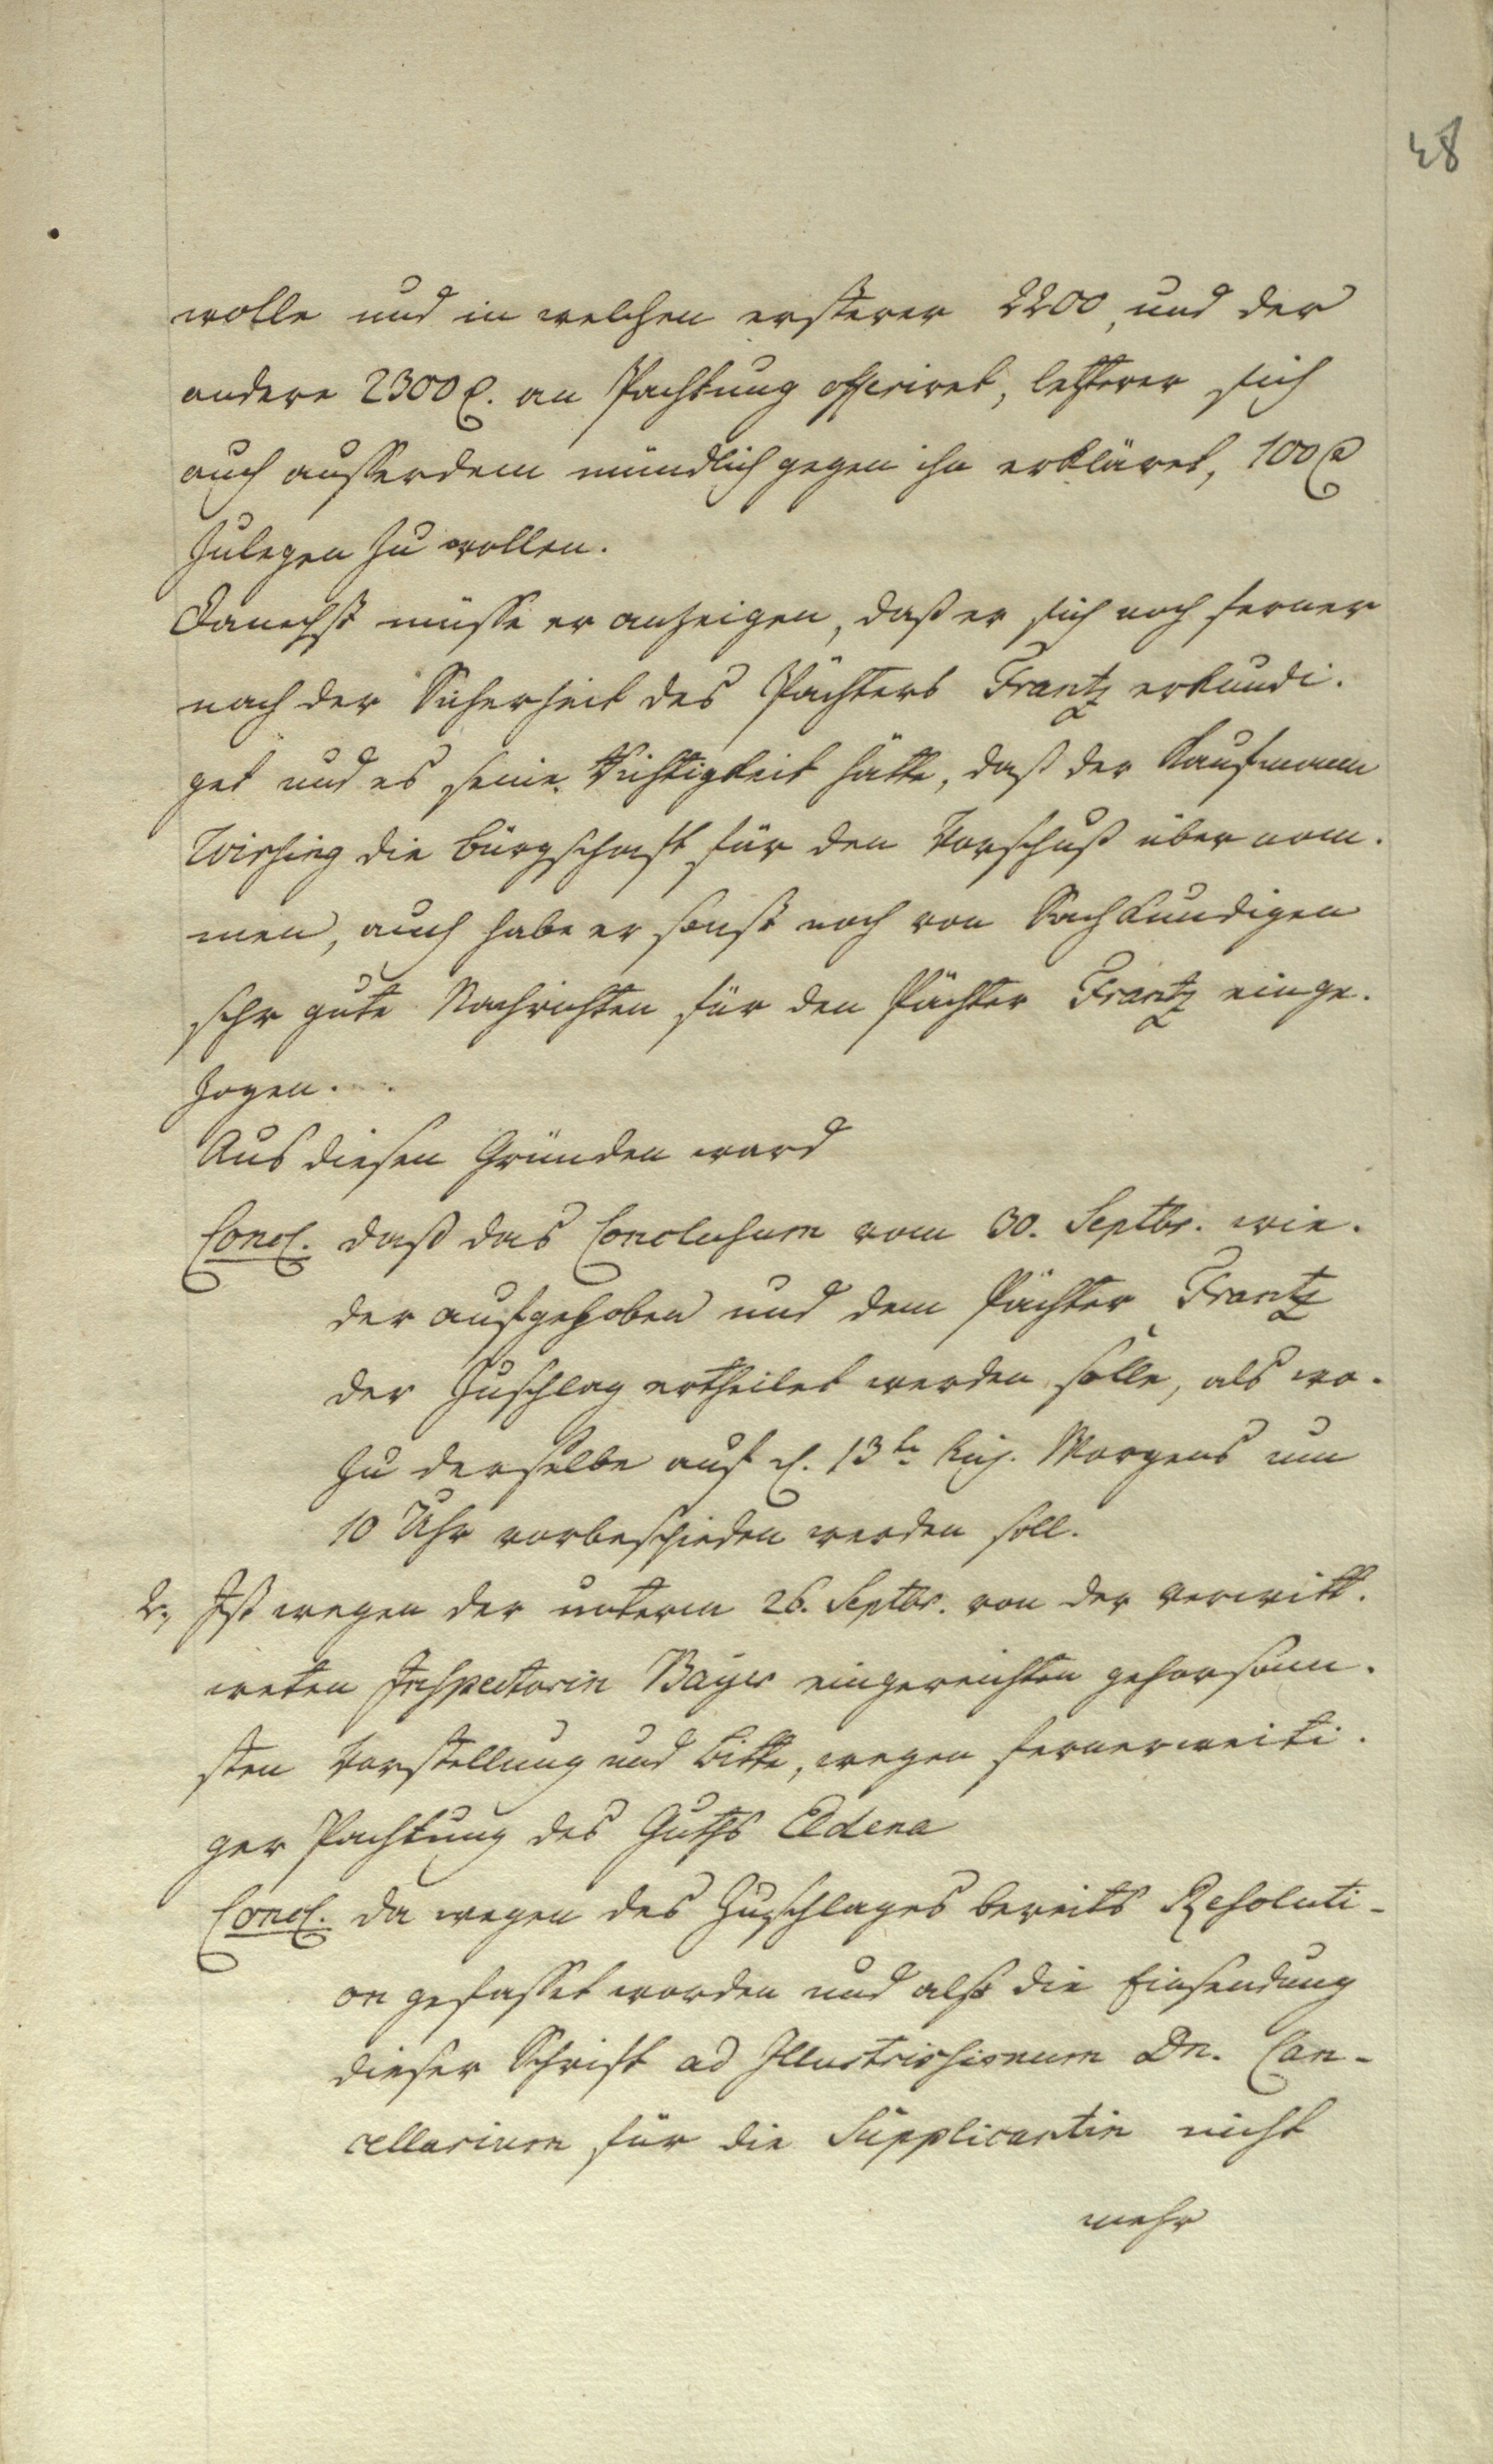wolle und in welchen ersterer 2200, und der
andere 2300 l. an Pachtung offeriret, letzterer sich
auch ausserdem mündlich gegen ihn erkläret, 100 l.
zulegen zu wollen.
Danechst müsse er anzeigen, daß er sich noch ferner
nach der Sicherheit des Pächters Frantz erkundi¬
get und es seine Richtigkeit hätte, daß der Kaufmann
Wirsing die Bürgschaft für den Vorschuß übernom¬
men, auch habe er sonst noch von Sachkundigen
sehr gute Nachrichten für den Pächter Frantz einge¬
zogen.
Aus diesen Gründen ward
Concl. daß das Conclusum vom 30. Septbr. wie¬
der aufgehoben und dem Pächter Frantz
der Zuschlag ertheilet werden solle, als wo¬
zu derselbe auf d. 13 te huj. Morgens um
10 Uhr vorbeschieden werden soll.
2., Ist wegen der unterm 26. Septbr. von der verwitt¬
weten Inspectorin Baÿer eingereichten gehorsam¬
sten Vorstellung und Bitte, wegen fernerweiti¬
ger Pachtung des Guths Eldena
Concl. da wegen des Zuschlages bereits Resoluti¬
on gefasset worden und also die Einsendung
dieser Schrift ad Illustrissimum Dn. Can¬
cellarium für die Supplicantin nicht
mehr